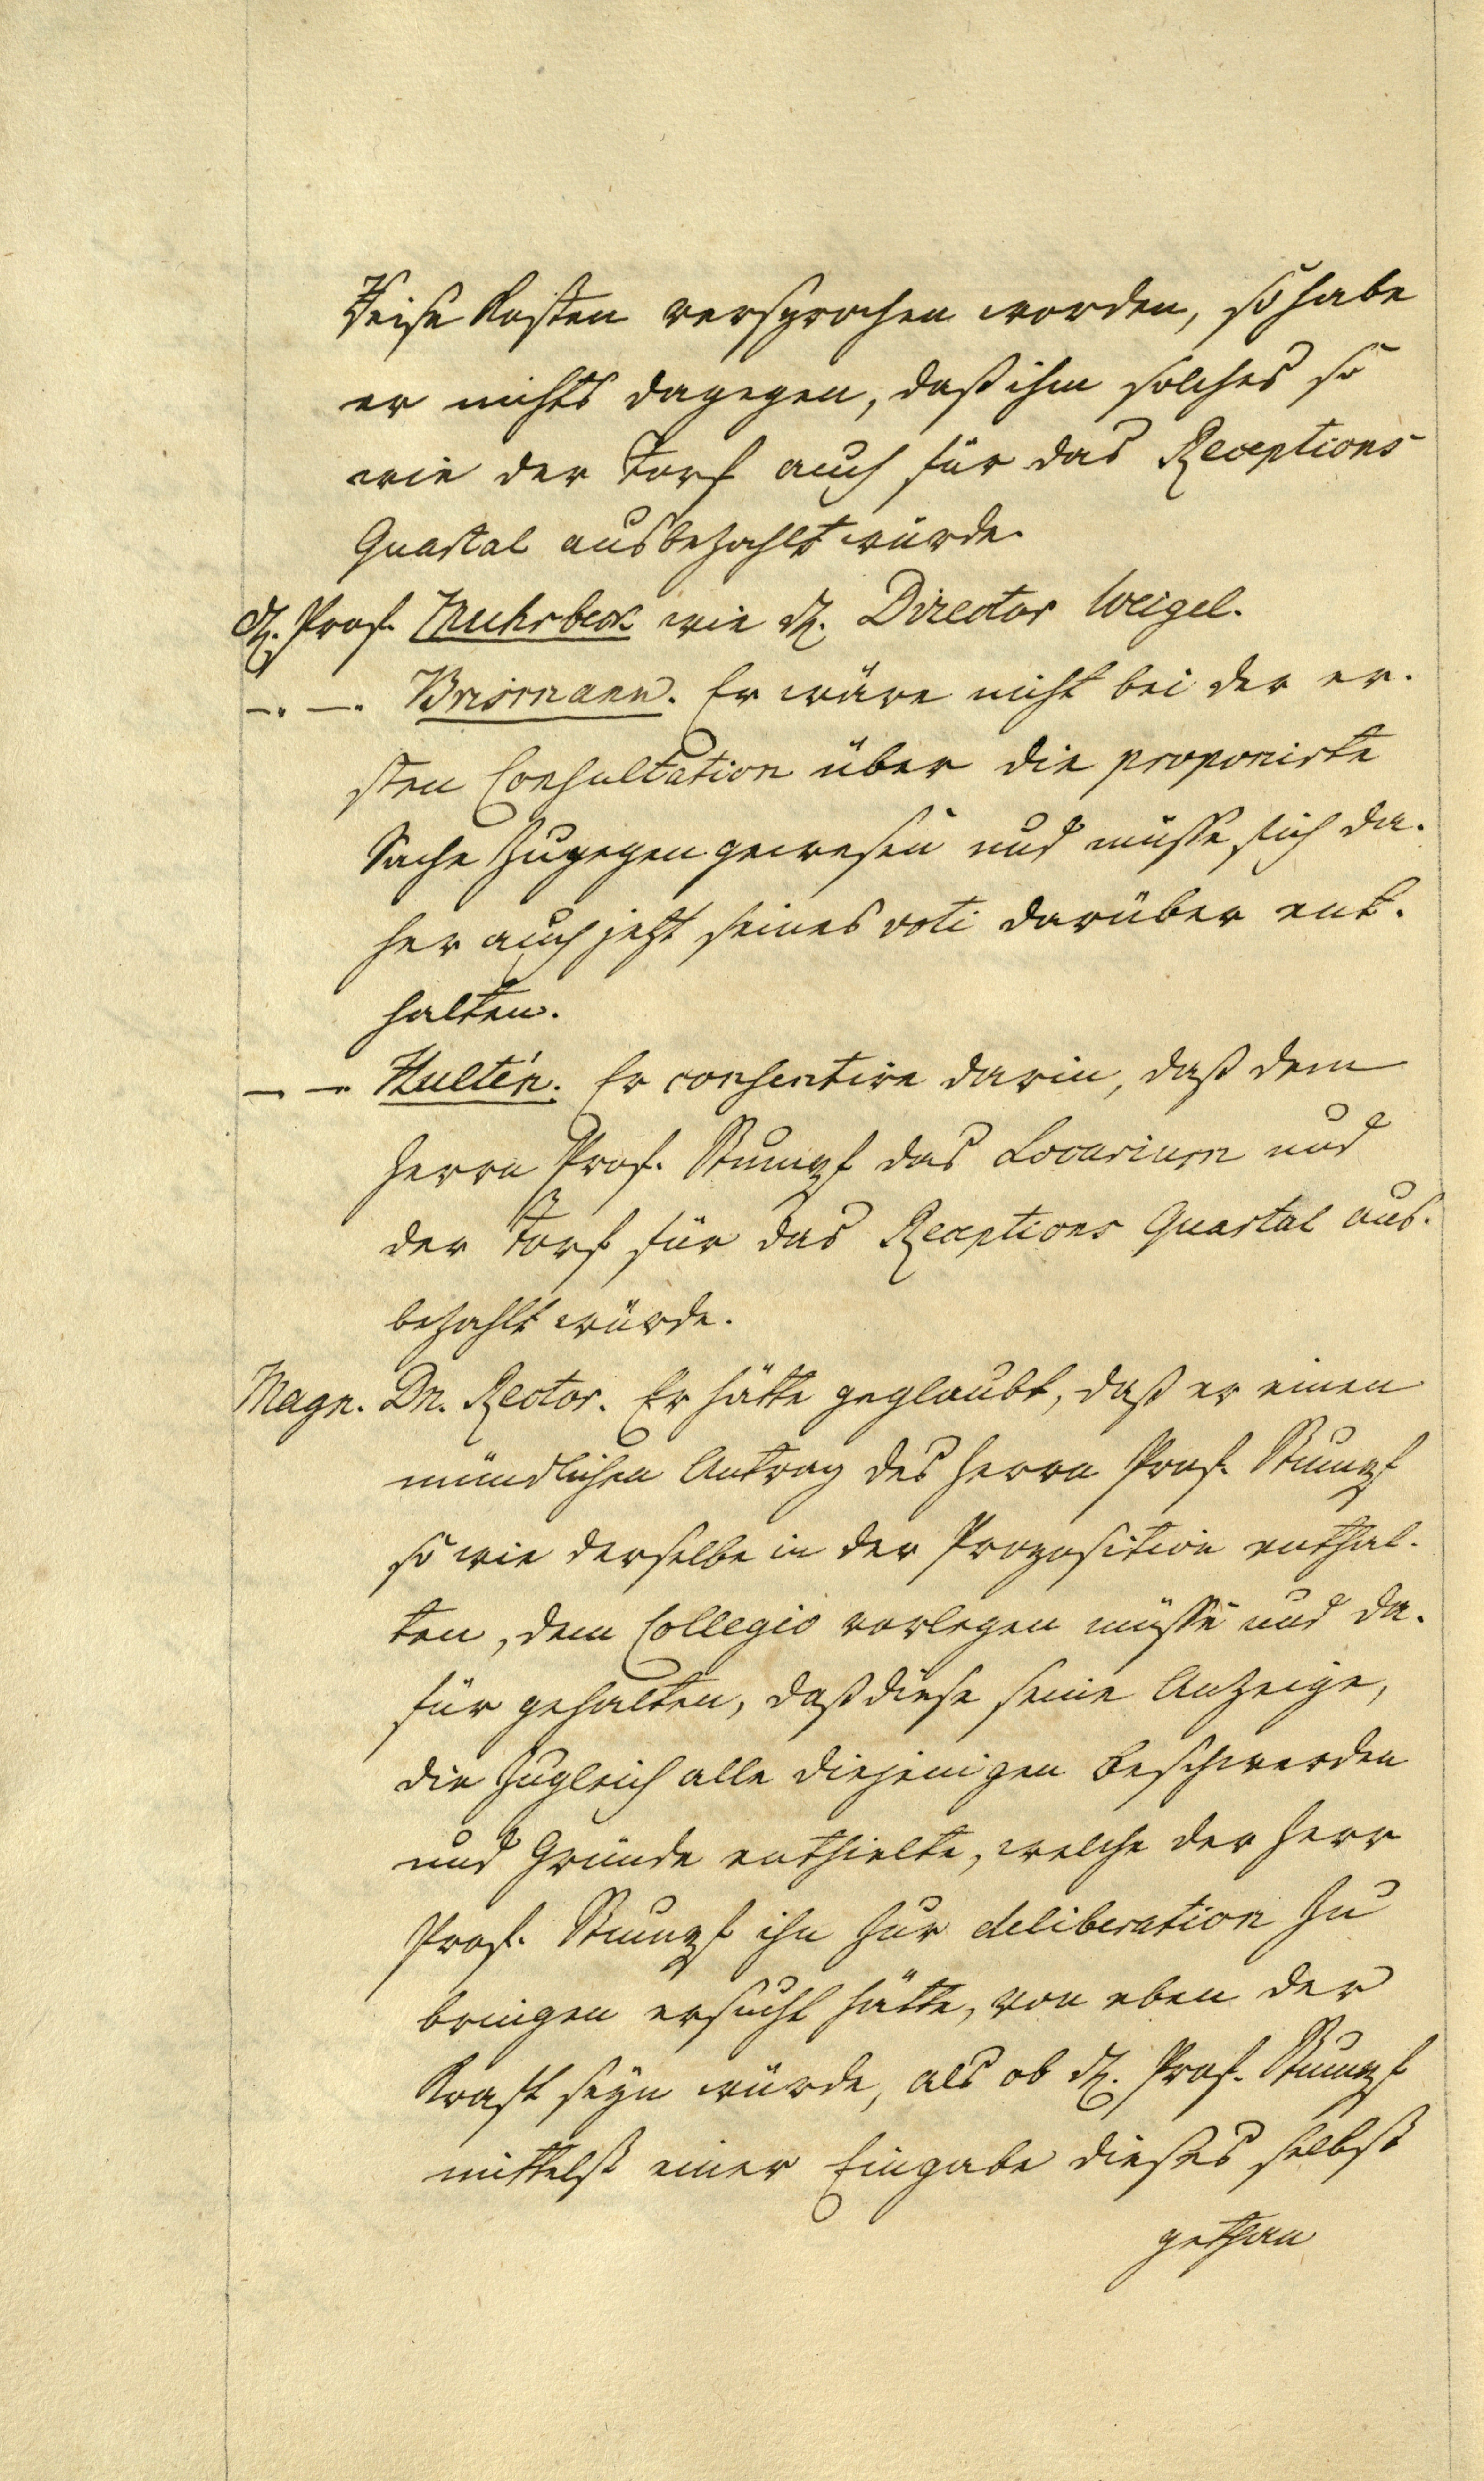Reise Kosten versprochen worden, so habe
er nichts dagegen, daß ihm solches so
wie der Torf auch für das Receptions
Quartal ausbezahlt würde.
dh. Prof. Muhrbeck wie dh. Director Weigel.
Brismann. Er wäre nicht bei der er¬
sten Consultation über die proponirte
Sache zugegen gewesen und müsse sich da¬
her auch jetzt seines voti darüber ent¬
halten.
Hultén. Er consentire darin, daß dem
Herrn Prof. Stumpf das Locarium und
der Torf für das Receptions Quartal aus¬
bezahlt würde.
Magn. Dn. Rector. Er hätte geglaubt, daß er einen
mündlichen Antrag des Herrn Prof. Stumpf
so wie derselbe in der Proposition enthal¬
ten, dem Collegio vorlegen müsse und da¬
für gehalten, daß diese seine Anzeige,
die zugleich alle diejenigen Beschwerden
und Gründe enthielte, welche der Herr
Prof. Stumpf ihn zur Deliberation zu
bringen ersucht hätte, von eben der
Kraft seÿn würde, als b dh. Prof. Stumpf
mittelst einer Eingabe dieses selbst
gethan